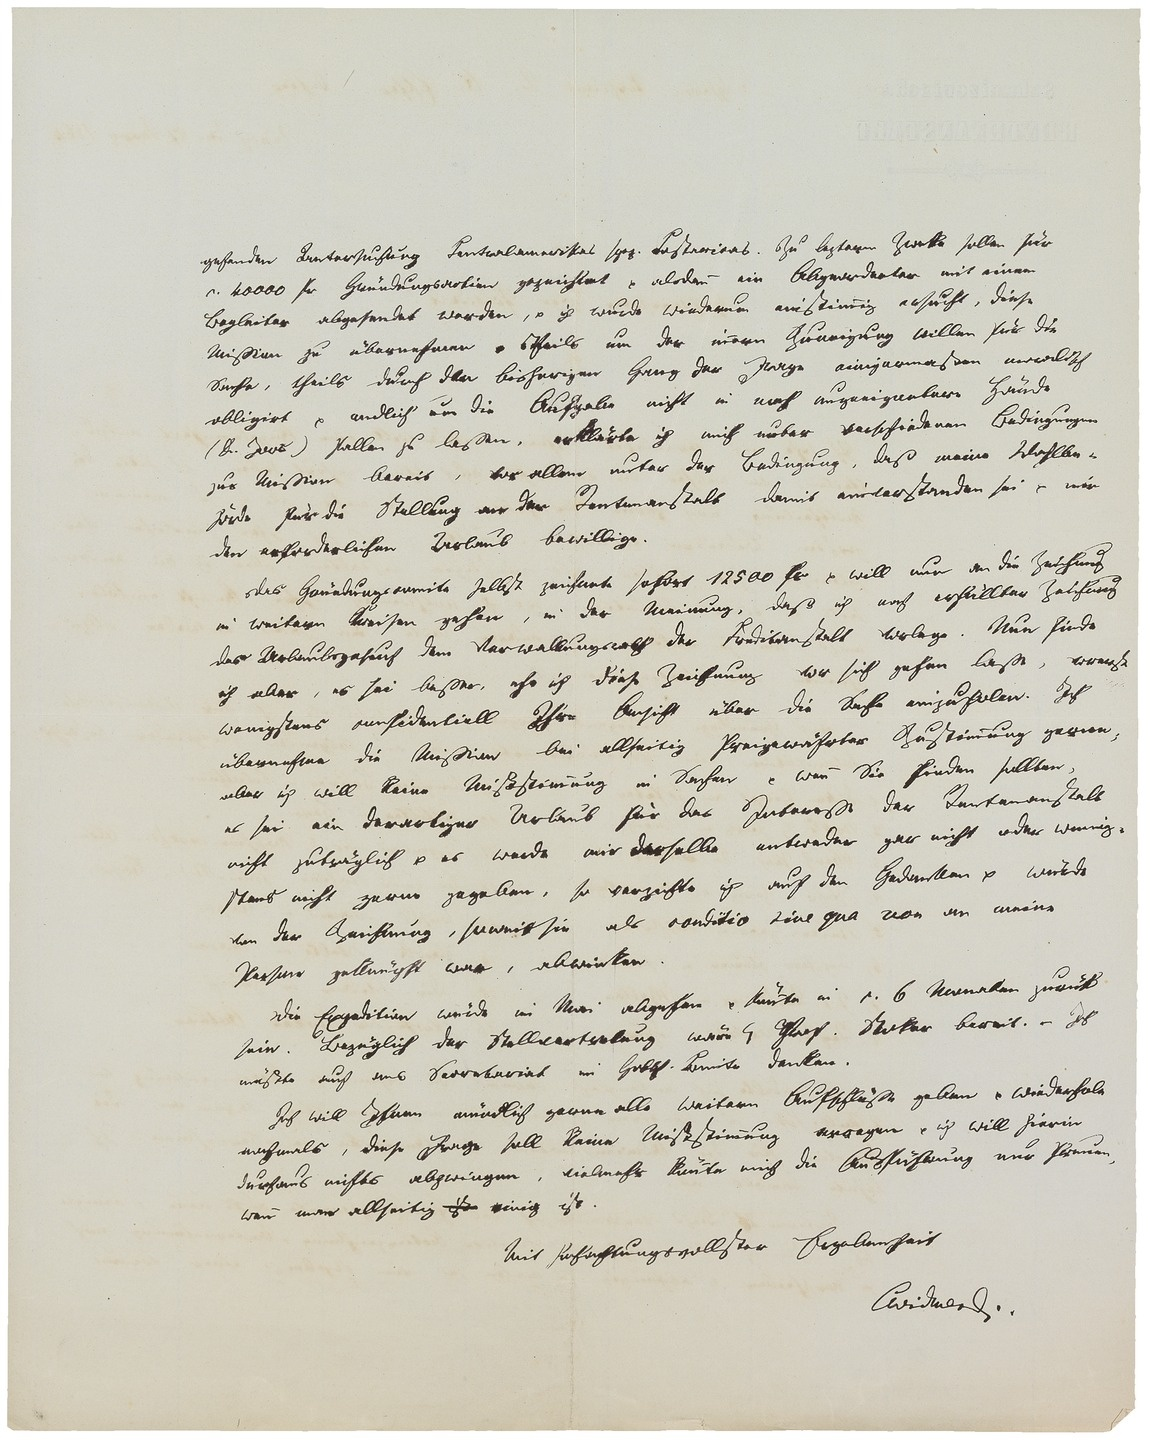gehenden Untersuchung Centralamerikas spez. Costaricas. Zu lezterm Zweke sollen für
c. 40000 fr Gründungsactien gezeichnet & alsdann ein Abgeordneter mit einem
Begleiter abgesendet werden, & ich wurde wiederum einstimmig ersucht, diese
Mission zu übernehmen. Theils um der innern Zuneigung willen für die
Sache, theils durch den bisherigen Gang der Frage einigermaßen moralisch
obligirt & endlich um die Aufgabe nicht in noch ungeeignetere Hände
(Dr. Joos ) fallen zu lassen, erklärte ich mich unter verschiedenen Bedingungen
zur Mission bereit, vor allem unter der Bedingung, daß meine Wahlbe-
hörde für die Stellung an der Rentenanstalt damit einverstanden sei & mir
den erforderlichen Urlaub bewillige.
Das Gründungscomite selbst zeichnete sofort 12500 fr & will nun an die Zeichnung
in weitern Kreisen gehen, in der Meinung, daß ich nach erfüllter Zeichnung
das Urlaubsgesuch dem Verwaltungsrath der Creditanstalt vorlege. Nun finde
ich aber, es sei besser, ehe ich diese Zeichnung vor sich gehen lasse, vorerst
wenigstens confidentiell Ihre Ansicht über die Sache einzuholen. Ich
übernehme die Mission bei allseitig freigewährter Zustimmung gerne,
aber ich will keine Mißstimmung in Sachen & wenn Sie finden sollten,
es sei ein derartiger Urlaub für das Interesse der Rentenanstalt
nicht zuträglich & es werde mir derselbe entweder gar nicht oder wenig-
stens nicht gerne gegeben, so verzichte ich auf den Gedanken & werde
von der Zeichnung, soweit sie als conditio sine qua non an meine
Person geknüpft war, abwinken.
Die Expedition würde im Mai abgehen & könnte in c. 6 Monaten zurük
sein. Bezüglich der Stellvertretung wäre Herr Prof. Stokar bereit. – Ich
müßte auch ans Secretariat im Grdgs.Comite denken.
Ich will Ihnen mündlich gerne alle weitern Aufschlüsse geben & wiederhole
nochmals, diese Frage soll keine Mißstimmung erregen & ich will hierin
durchaus nichts abzwingen, vielmehr könnte mich die Ausführung nur freuen,
wenn man allseitig ist einig ist.
Mit hochachtungsvollster Ergebenheit
C Widmer di